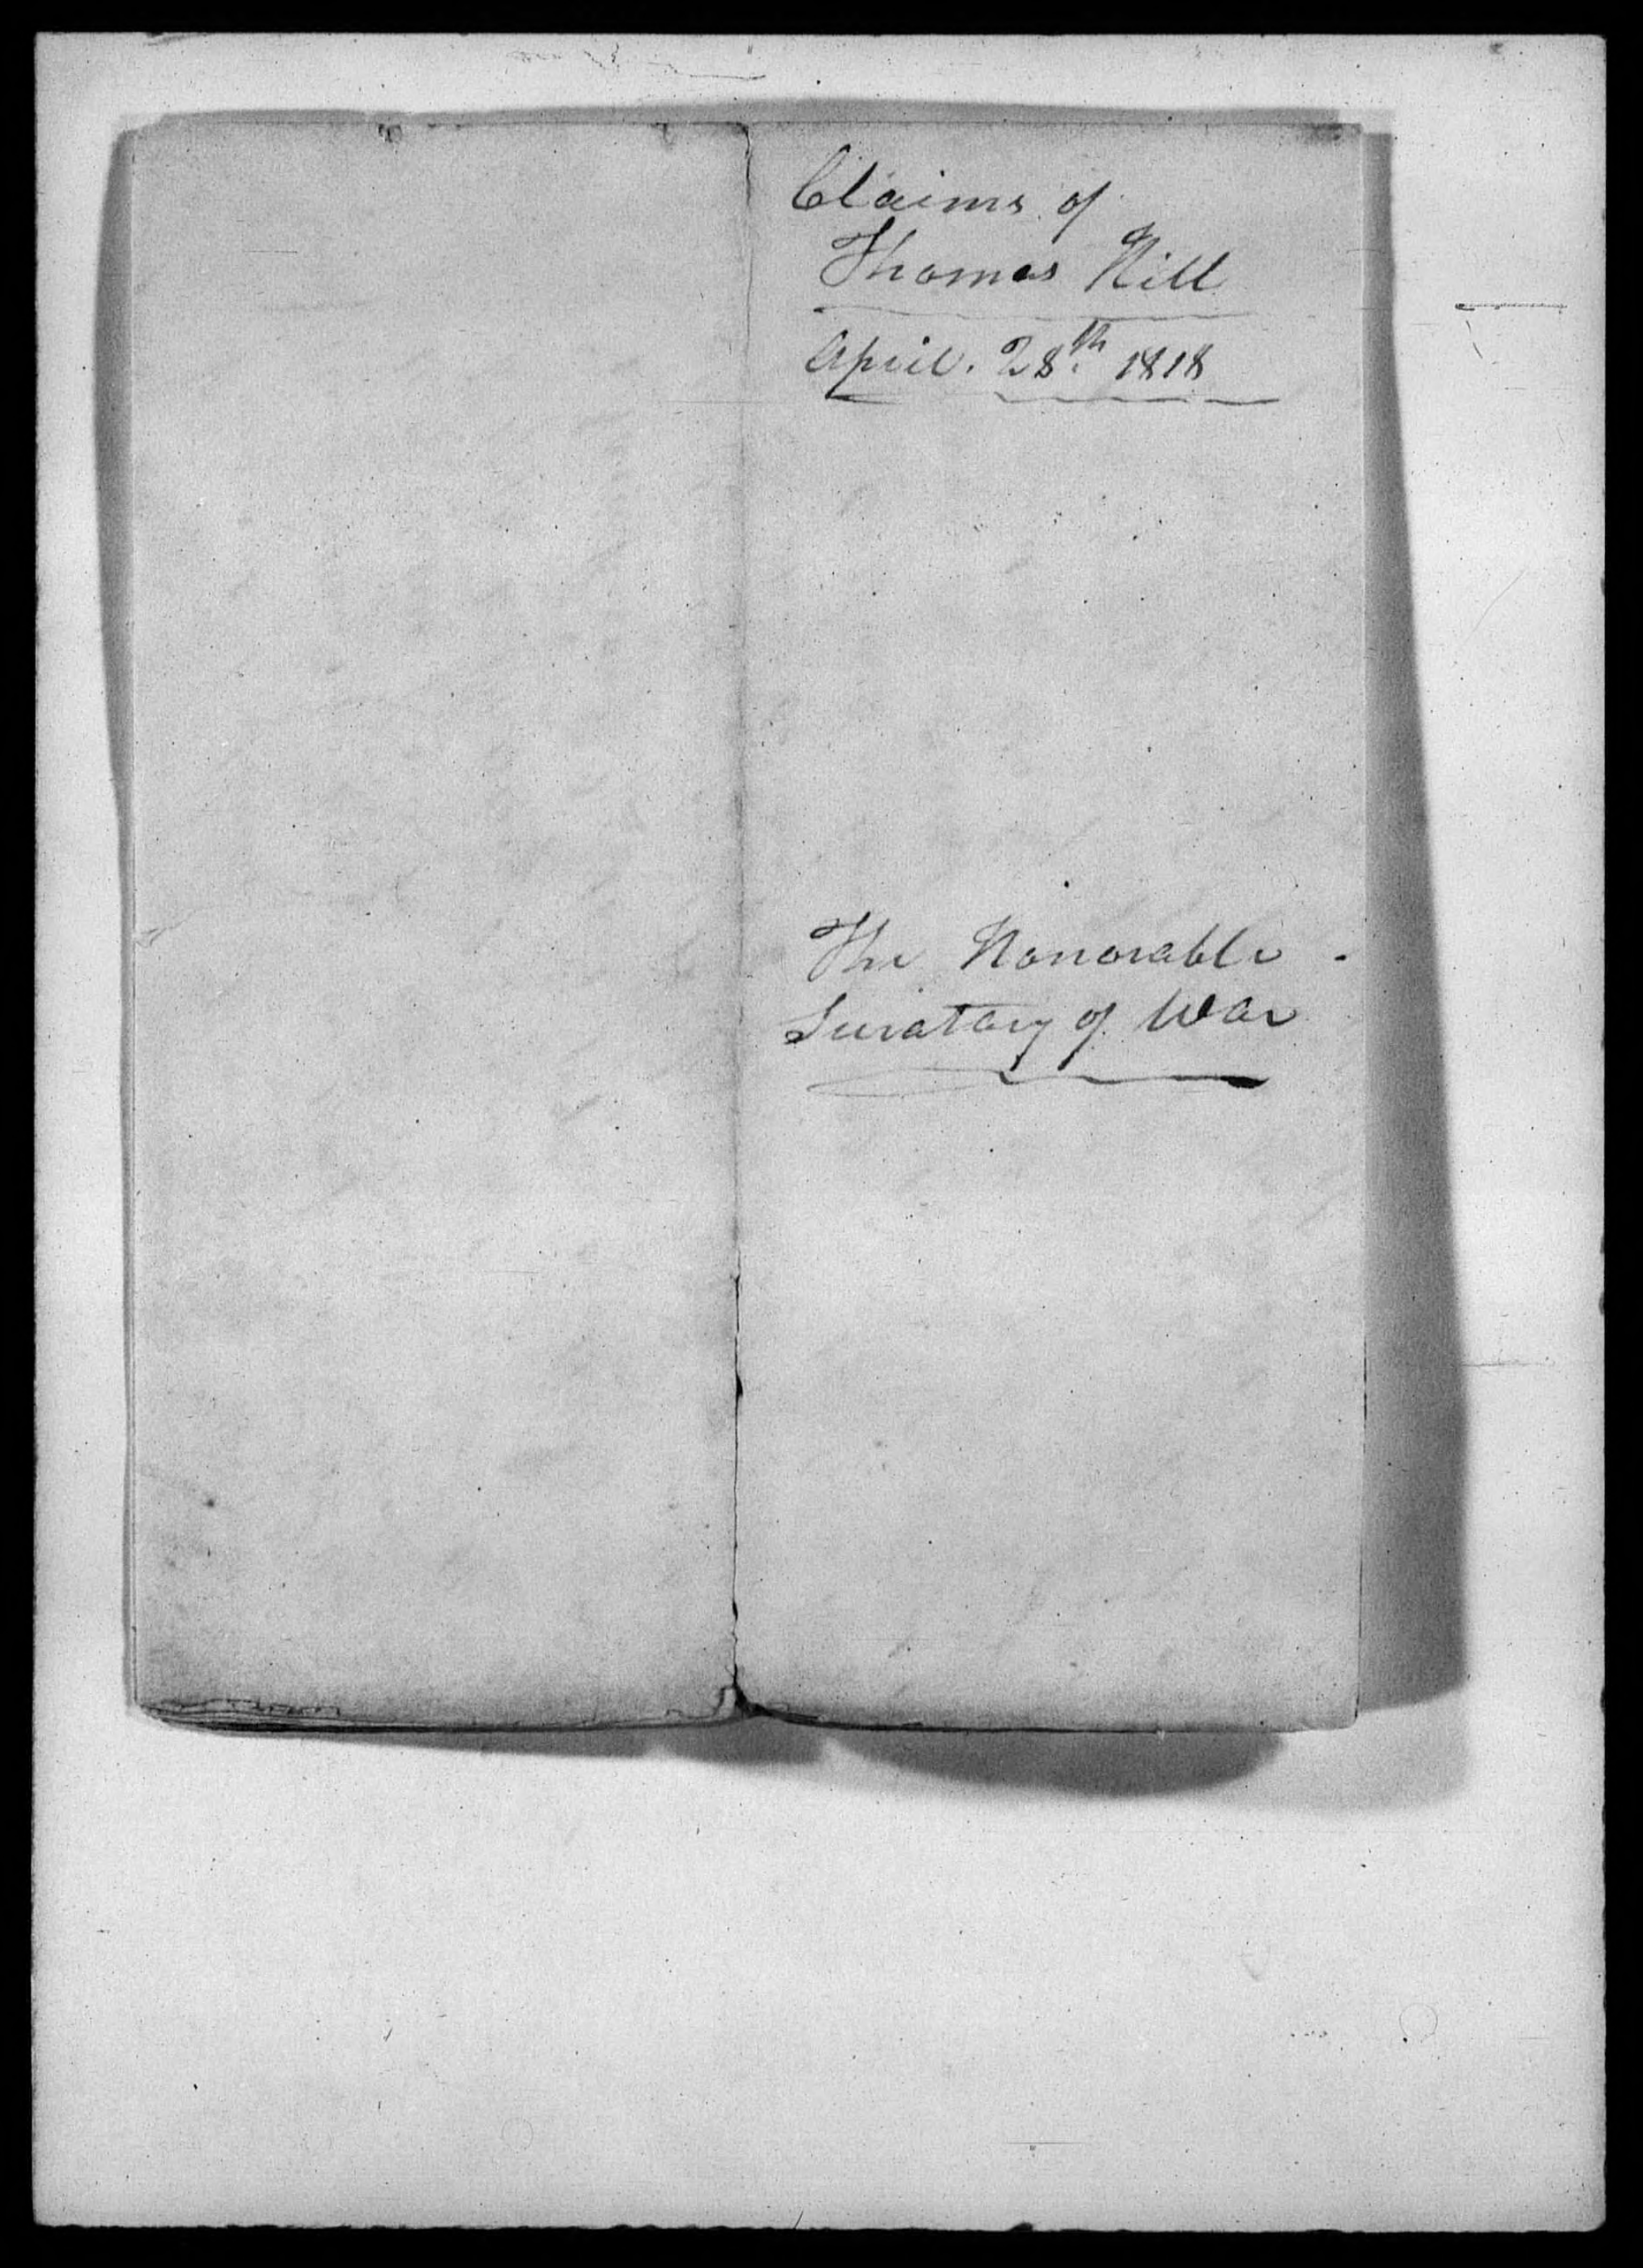Claims of
Thomas Hill
April 28th 1818

The Honorable
Secratary of War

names: Thomas Hill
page: 7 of 31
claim: survivor's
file: S. 43672, Thomas Hill, New York